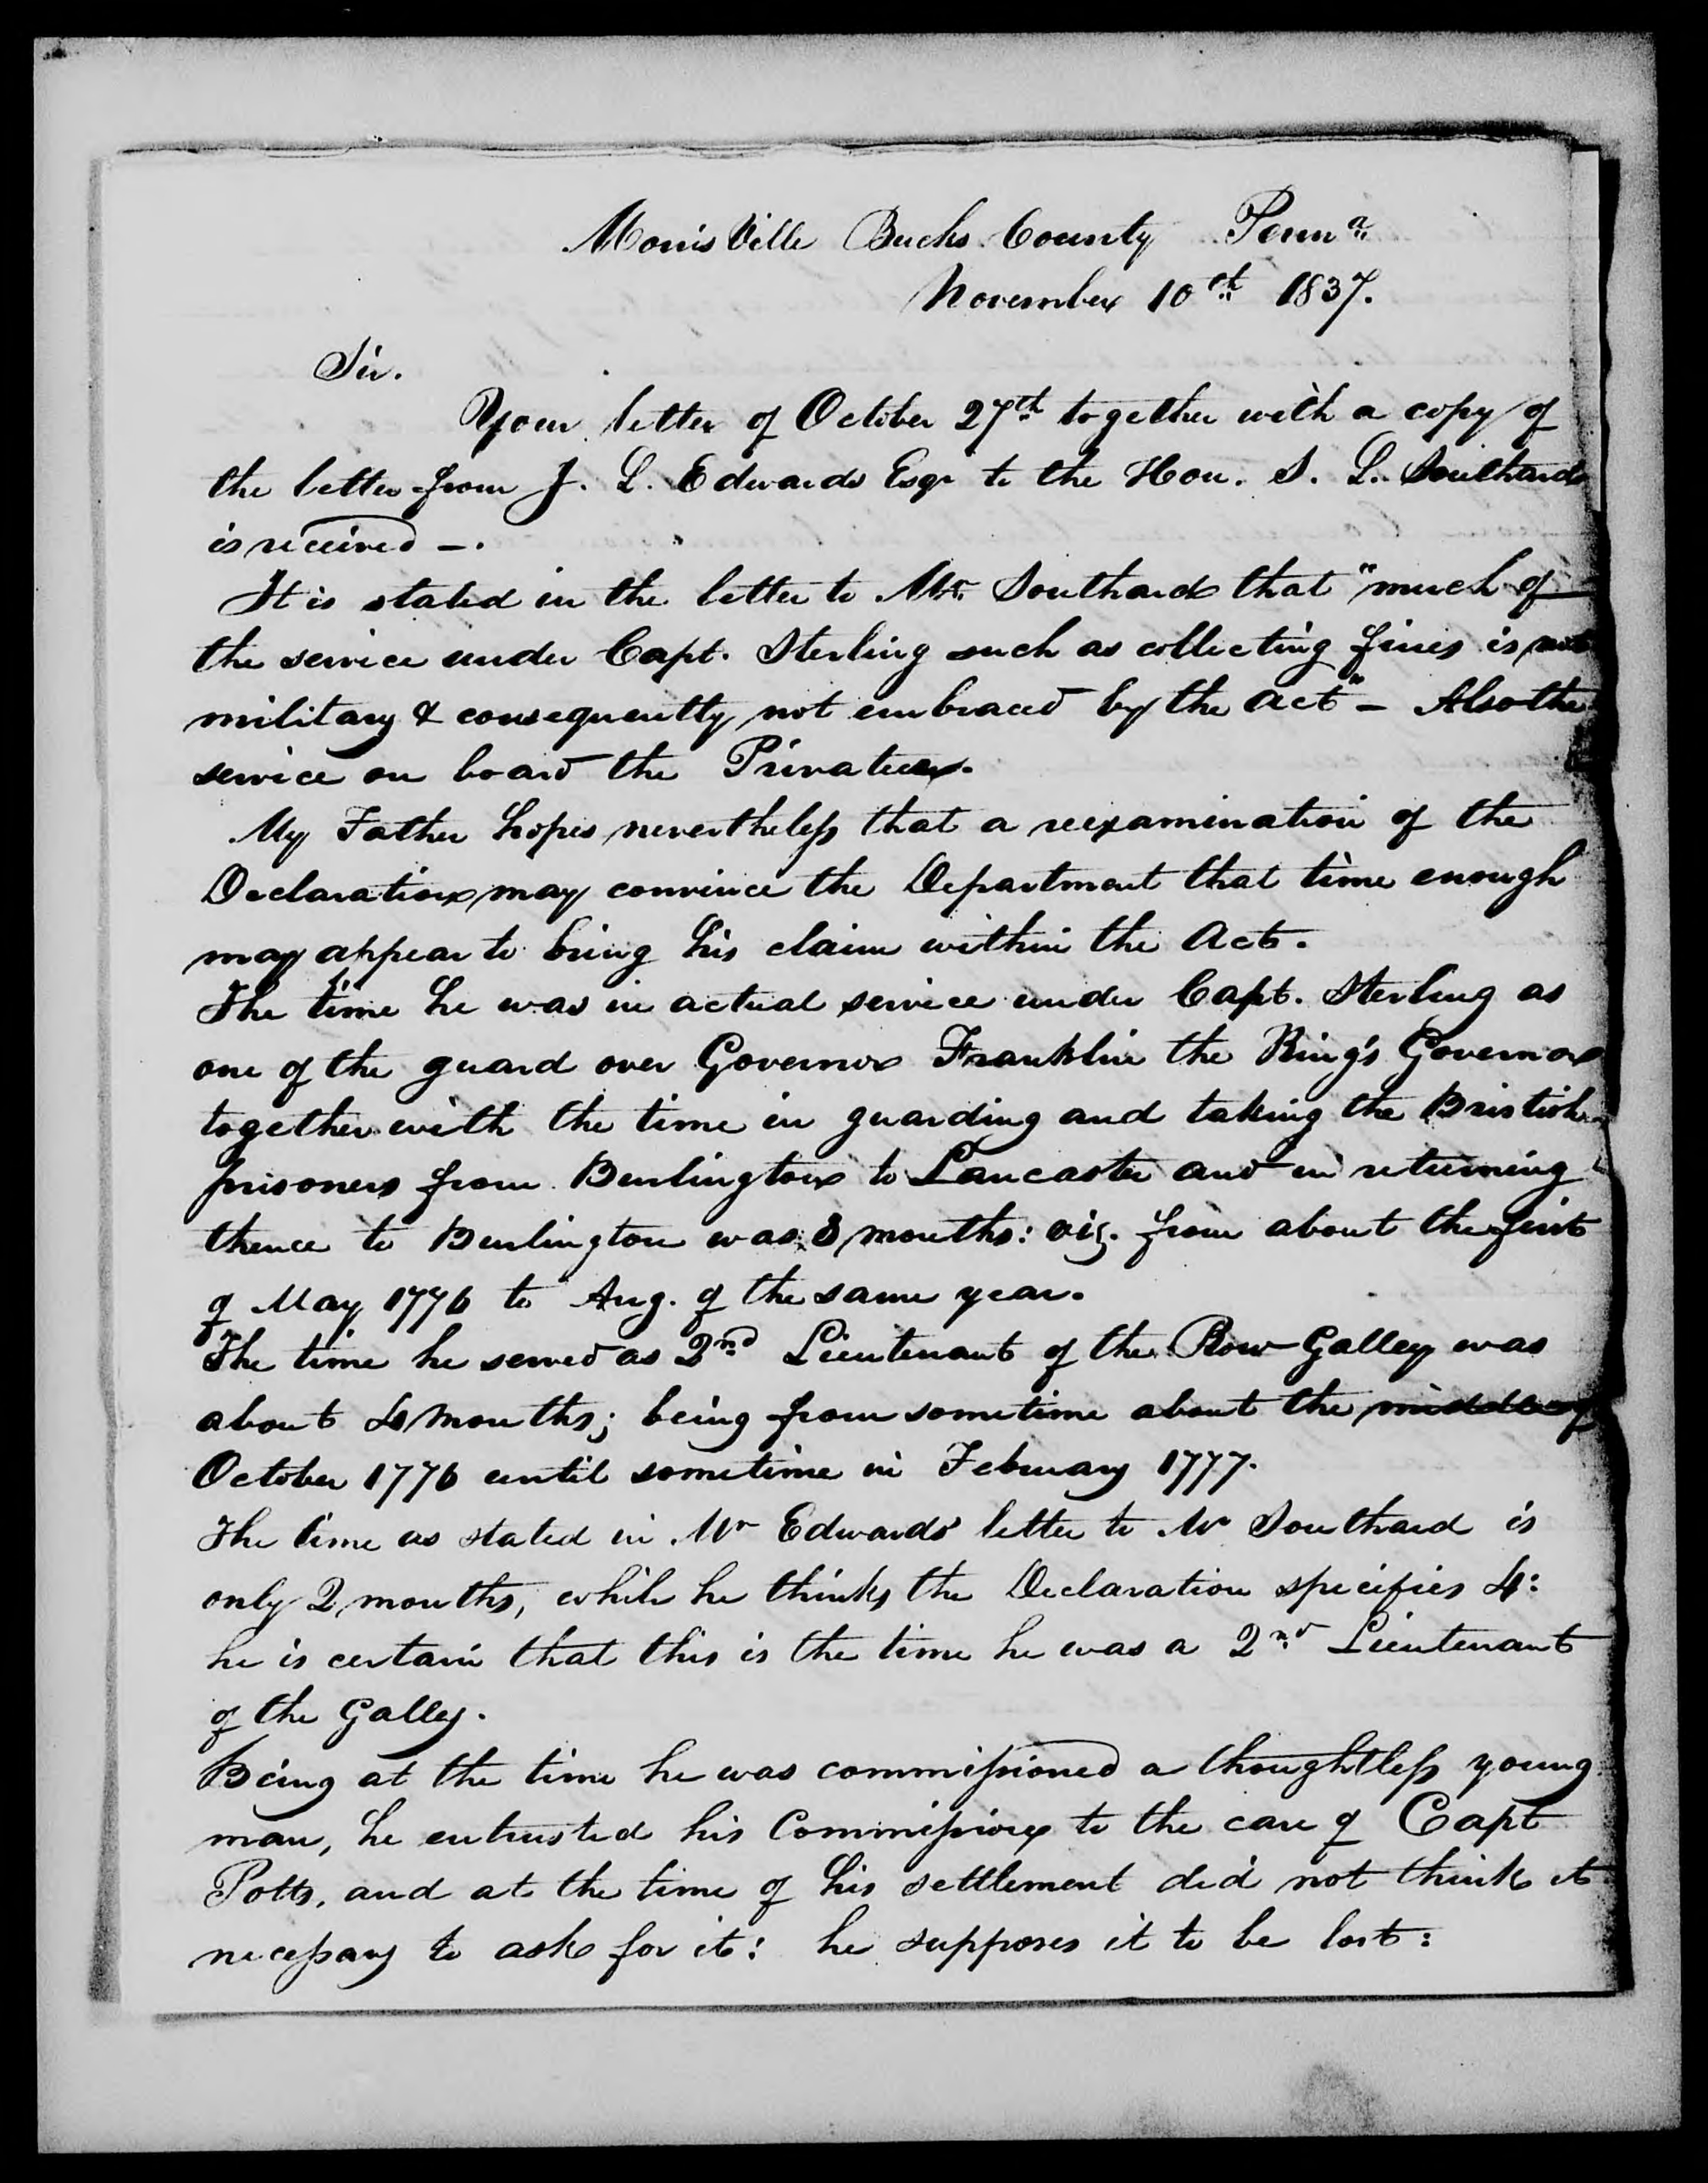MorrisVille Bucks County Penna..
November 10th.. 1837.

Sir.
Your letter of October 27th.. together with a copy of the letter from J. L. Edwards Esqr. to the Hon. S. L. Southard is received_.

It is stated in the letter to Mr. Southard that "much of the service under Capt. Sterling such as collecting fines is not military & consequently not embraced by the act. Also the service on board the [Privatier?].
My Father hopes nevertheless that a reexamination of the Declaration may convince the Department that time enough
may appear to bring his claim within the Act.
The time he was in actual service under Capt. Sterling as one of the guard over Governer Franklin the King's Governor together with the time in guarding and taking the British
prisoners from Burlington to Lancaster and in returning thence to Burlington was 3 months: viz. from about the first of May 1776 to Aug. of the same year.

The time he served as 2nd Lieutenant of the Row Galley was about 4 months; being from some time about the middle of October 1776 until sometime in February 1777.
The time as stated in Mr Edwards letter to Mr Southard is only 2 months, while he thinks the Declaration specifies 4:
he is certain that this is the time he was a 2nd Lieutenant of the Gally.

Being at the time he was commissioned a thoughtless young man, he entrusted his commission to the care of Capt Potts, and at the time of his settlement did not think it
necessary to ask for it: he supposes it to be lost:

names: J L Edwards; S L Southard; [BLANK] Potts; [BLANK] Southard; [BLANK] Sterling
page: 3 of 39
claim: rejected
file: R. 6154, for James Laning, New Jersey